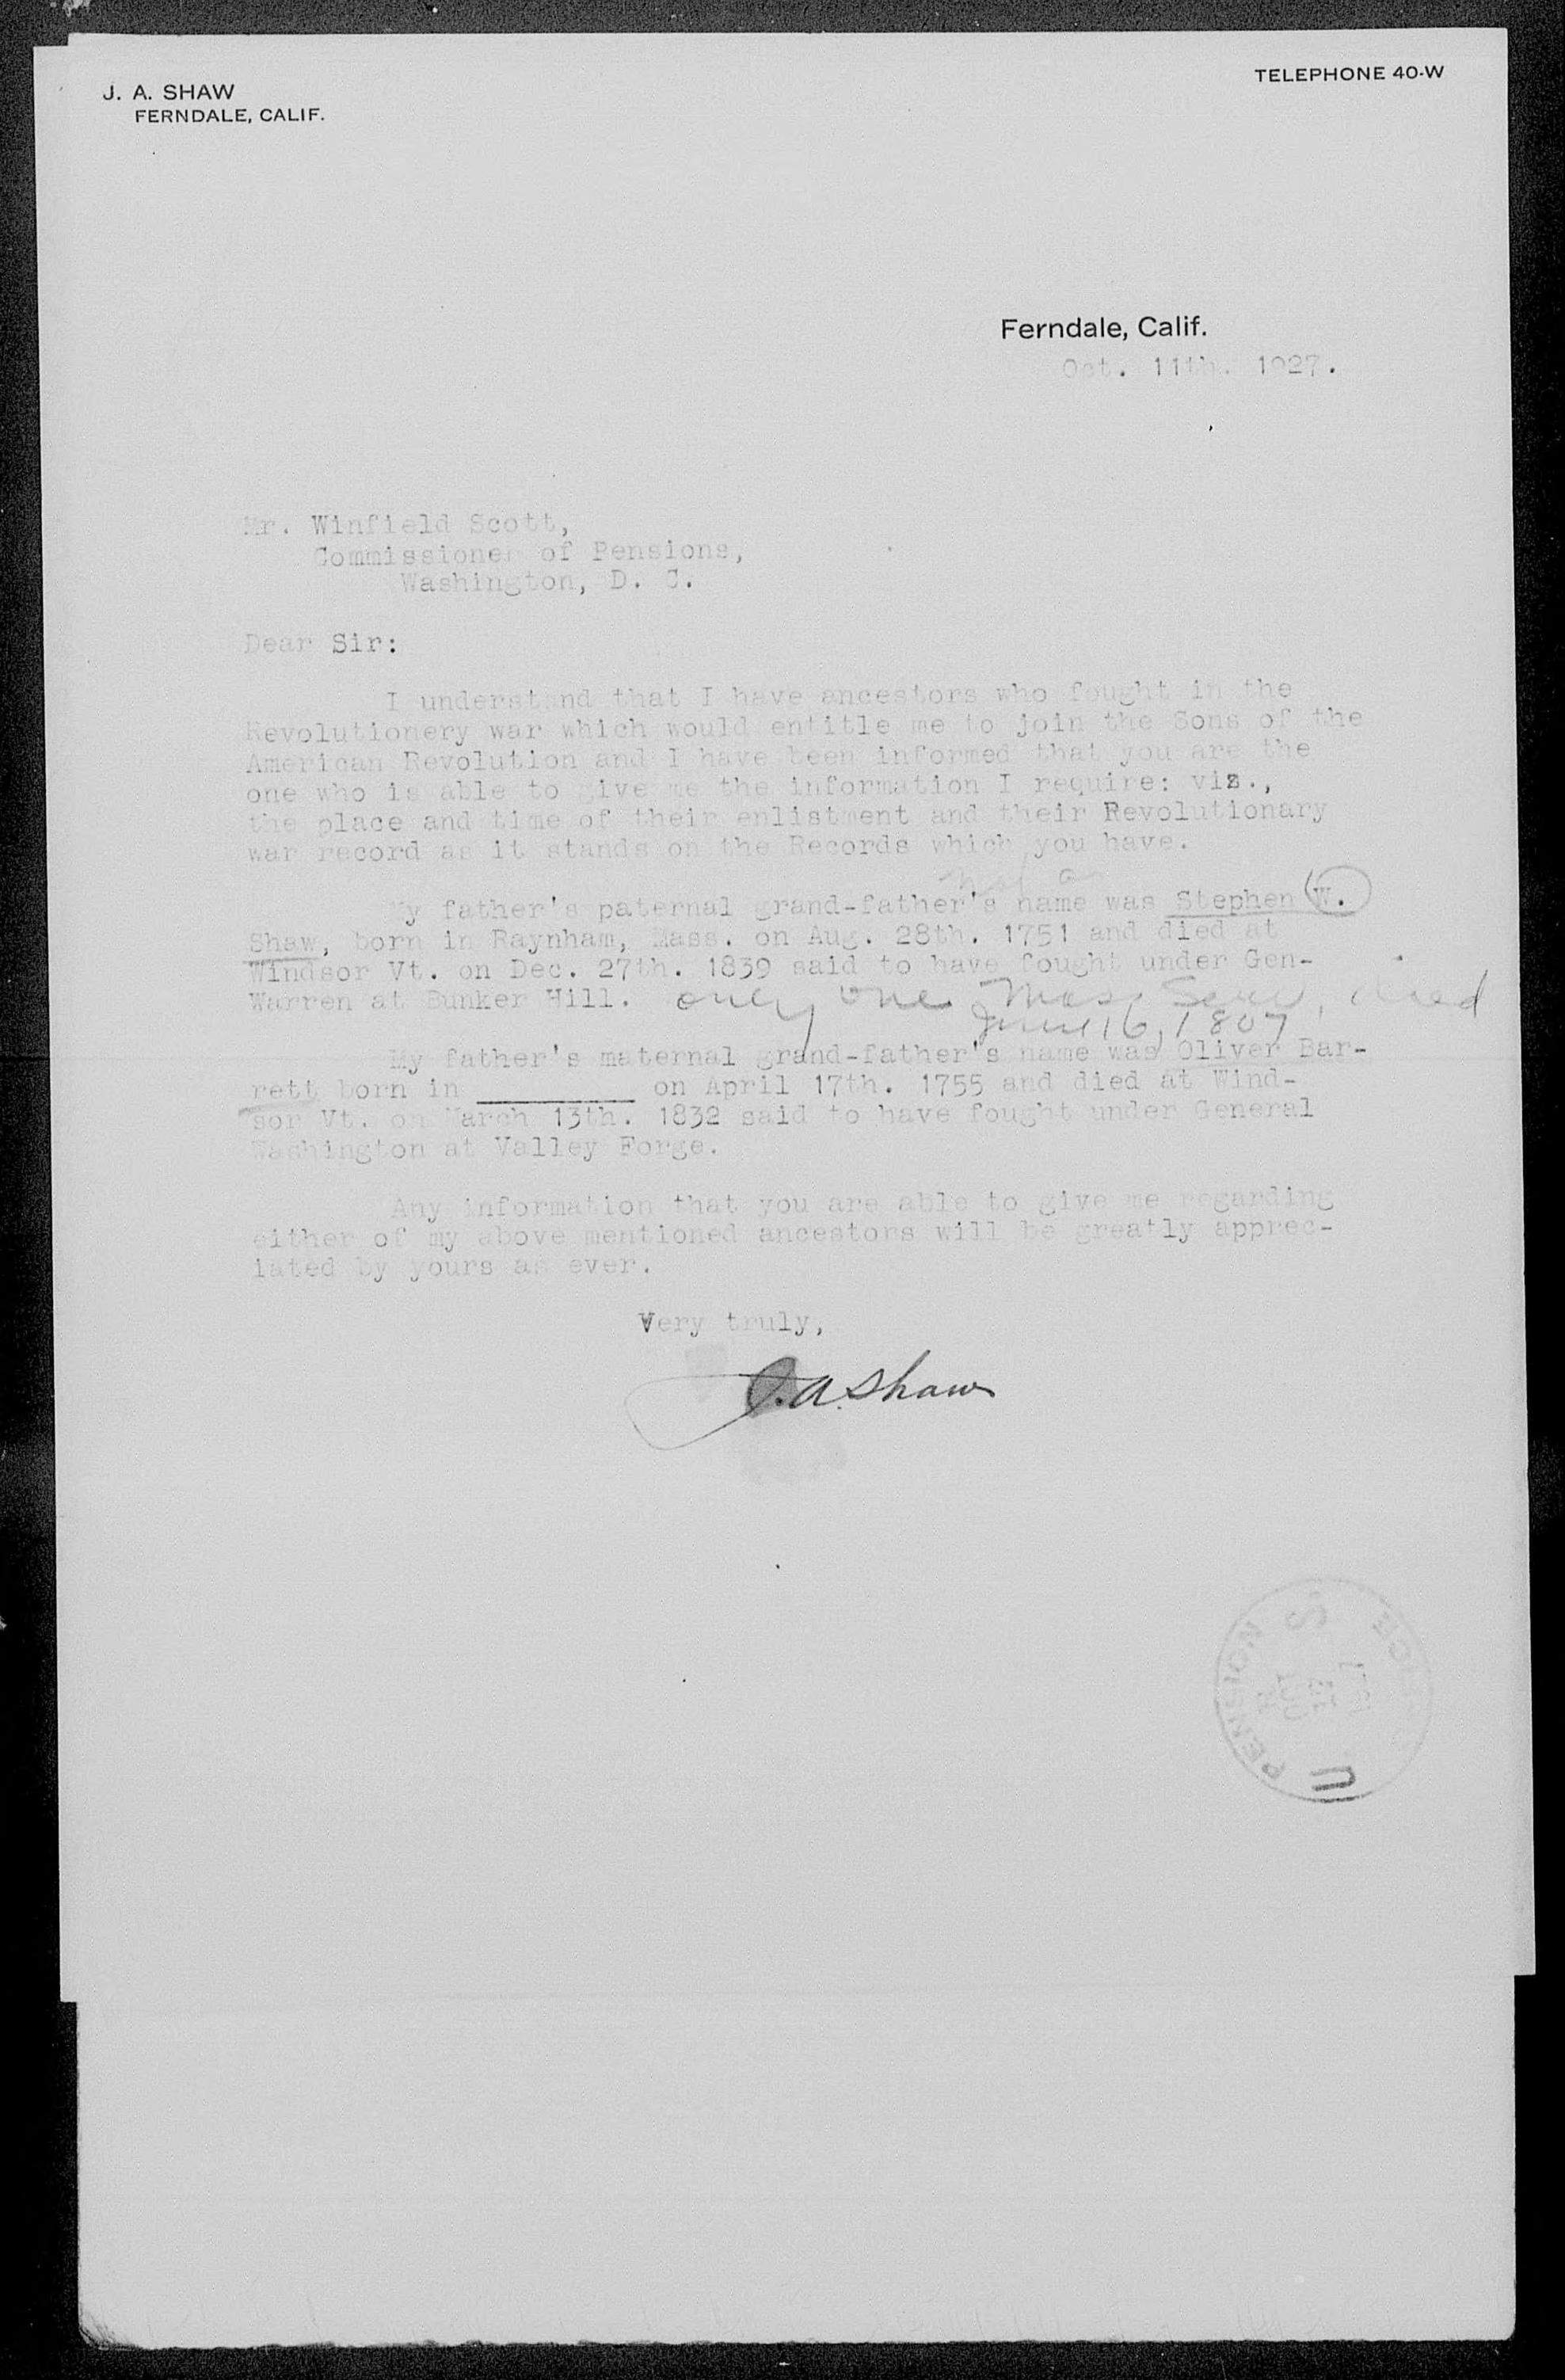Ferndale, Calif.
Oct 11th 1927

Mr. Winfield Scott,
Commissioner of Pensions,
Washington, D. C.

Dear Sir:

I understand that I have ancestors who fought in the Revolutionery [sic] war which would entitle me to join the Sons of the American revolution and I have been informed that you are the one who is able to give me the information I require: viz., the place and time of their enlistment and their Revolutionary war record as it stands on the Records which you have.

My father's paternal grand-father's [inserted hand writing 'not a'] name was Stephen W. Shaw, born in Raynham, Mass. on Aug. 28th. 1751 and died at Windsor Vt. on Dec. 27th. 1839 said to have fought under Gen - Warren at Bunker Hill.  [handwriting - 'only one Mass Serv. died June 16, 1807']

My father's maternal grand-father's name was Oliver Barett born in ______ on April 17th. 1755 and died at Windsor Vt. on March 13th. 1832 said to have fought under General Washington at Valley Forge.

Any information that you are ablet o give me regarding either of my above mentioned ancestors will be greatly appreciated by yours as ever.

Very truly,
J. A. Shaw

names: Winfield Scott, J A Shaw, Stephen W Shaw, Warren, J A Shaw, Oliver Barrett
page: 81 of 83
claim: widow's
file: W. 10,384, Oliver Barrett, Continental (Vt.) N.Y.